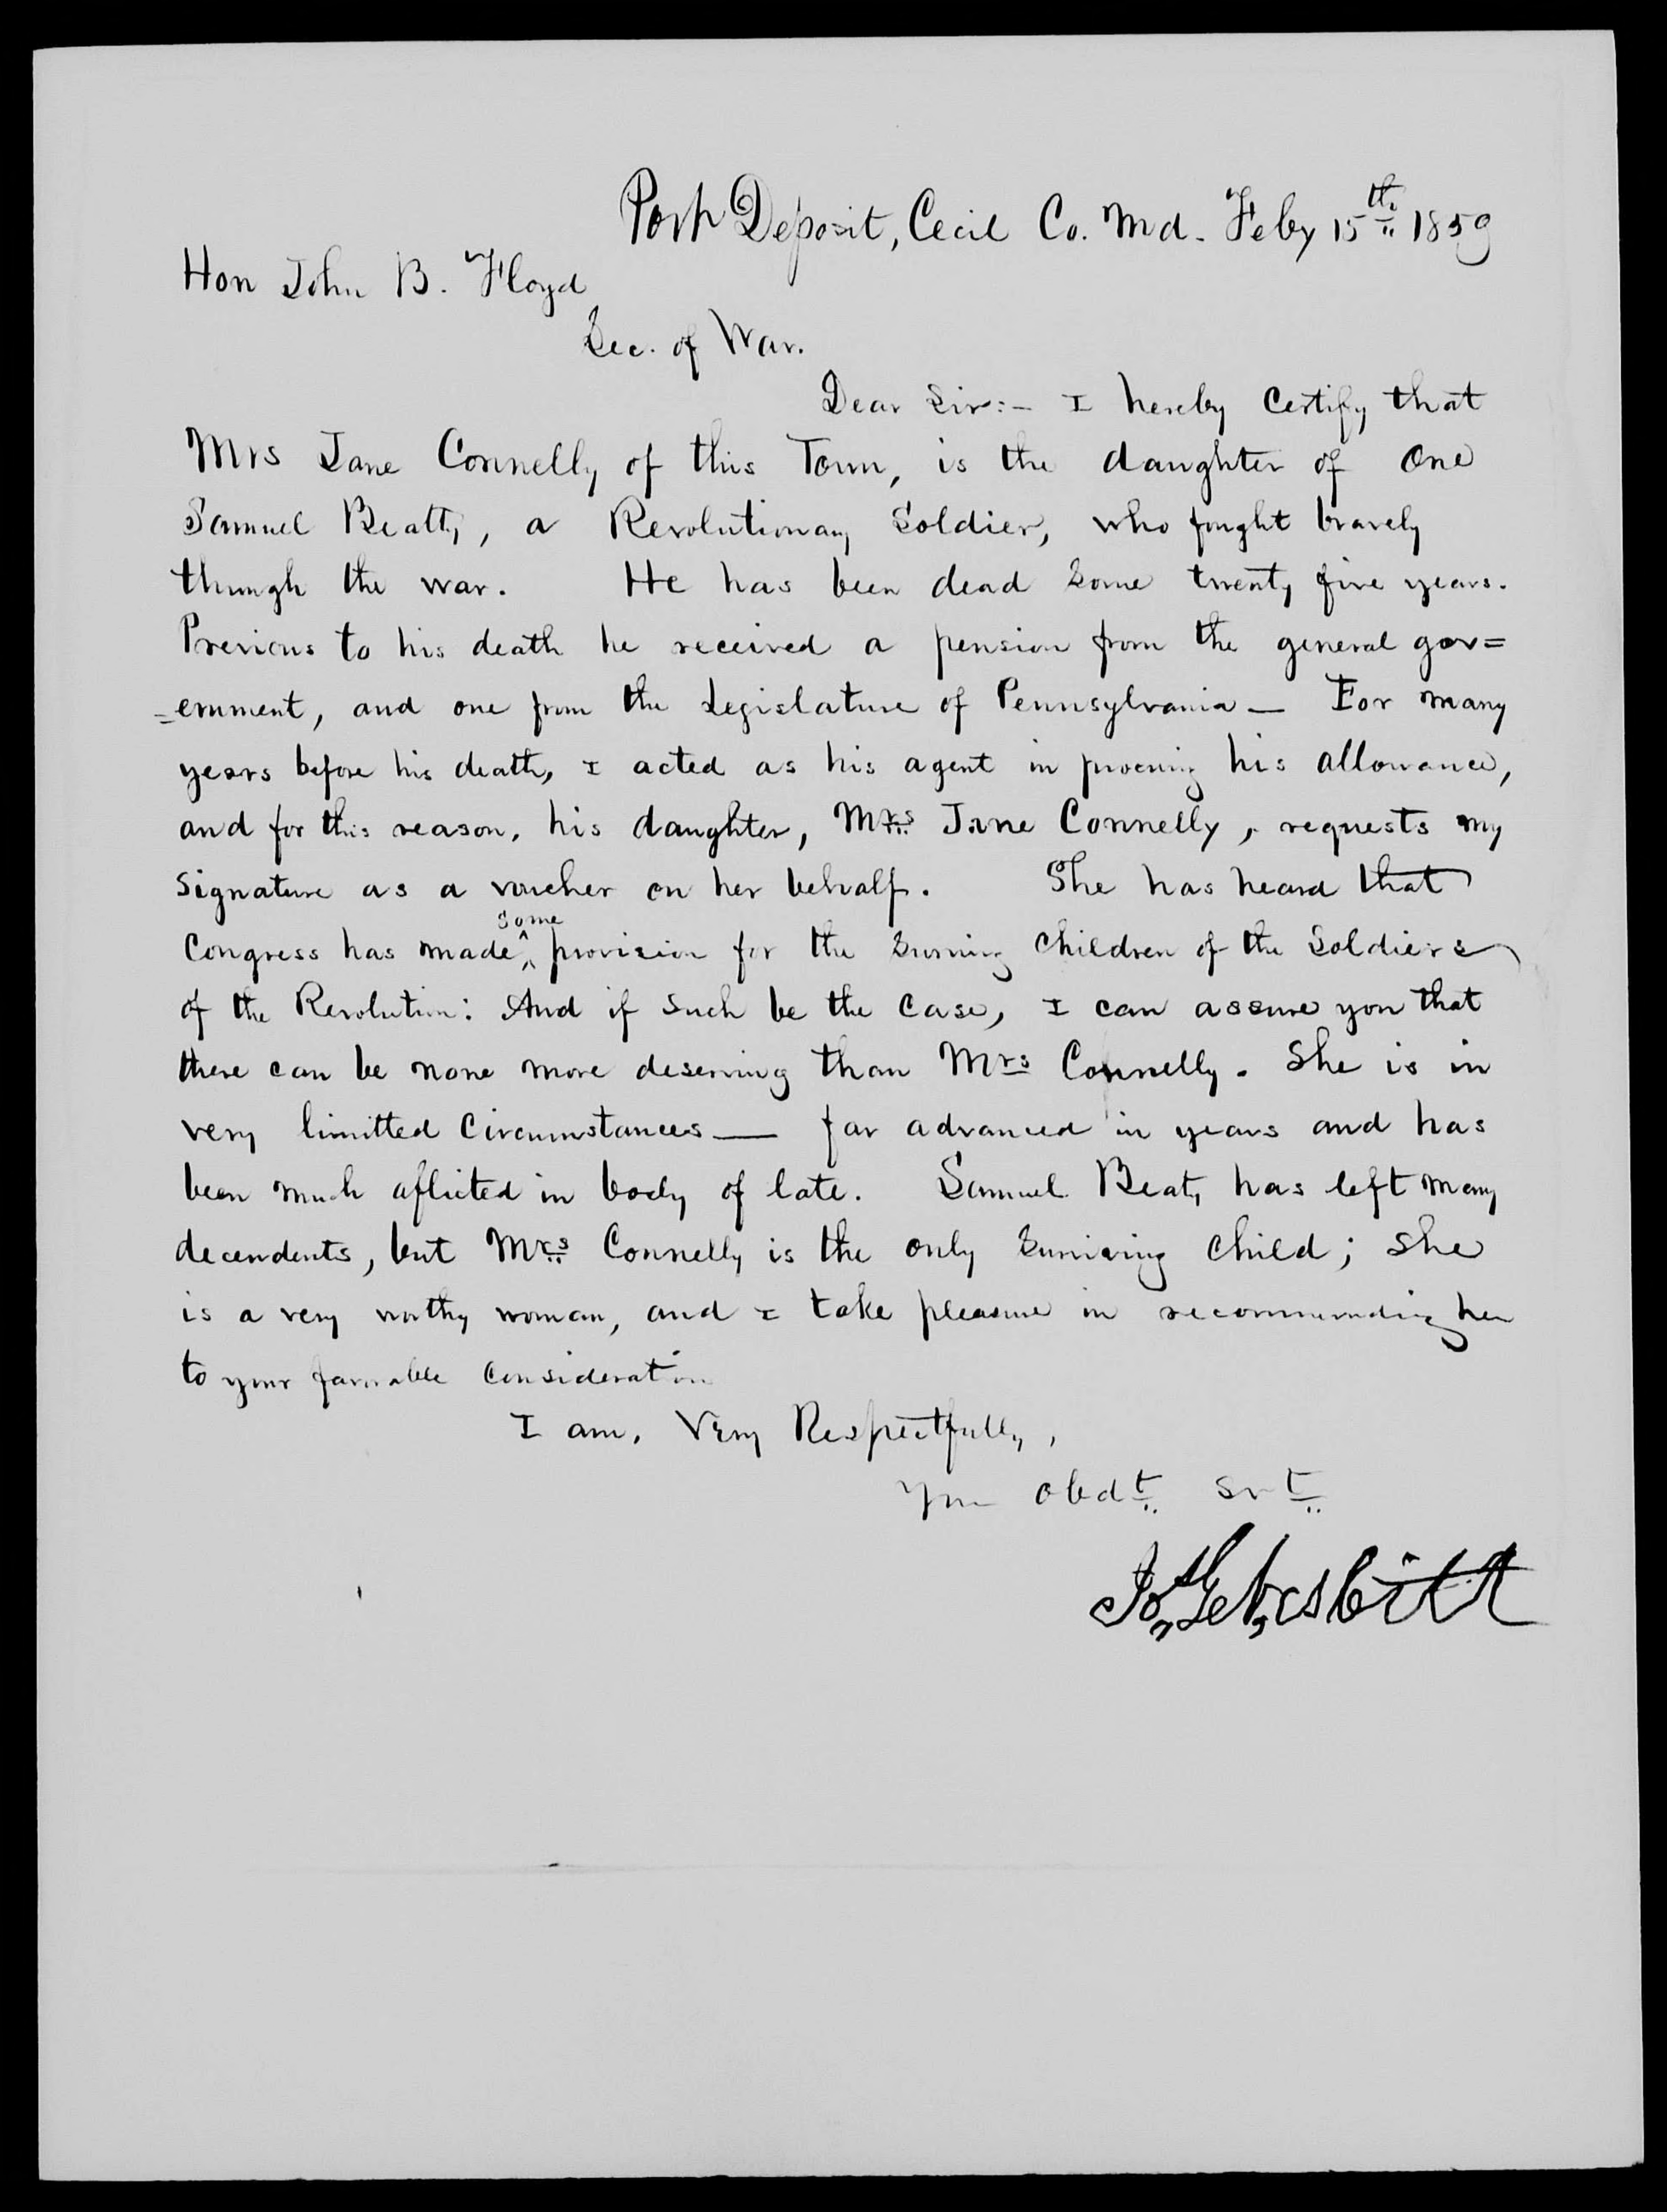Port Deposit, Cecil Co. Md. Feby 15th-:1850
Hon John B. Floyd
Sec of War.
     Dear Sir: - I hereby Certify that Mrs Jane Connelly of this Town, is the daughter of One Samuel Beatty, a Revolutionary Soldier, who fought bravely through the war.   He has been dead Some twenty five years. Previous to his death he received a pension from the general government, and one from the Legislature of Pennsylvania __ For many years before his death, I acted as his agent in procuring his allowance, and for this reason, his daughter, Mrs" Jane Connelly, requests my Signature as a voucher on her behalf.   She has heard that Congress has made ^some provision for the Surviving Children of the Soldiers of the Revolution:  And if Such be the case, I can assume you that these can be none more deserving than Mrs Connelly.  She is in very limitted [sic] Circumstances ___ far advanced in years and has been much aflicted [sic] in body of late.   Samuel Beaty has left Many decendents [sic], but Mrs Connelly is the only Surviving child; she is a very worthy woman, and I take pleasure in accommodating her to your favorable consideration
 I am, Very Respectfully,
Your obd-"t Svt_:
Jo"s G Nesbitt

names: Samuel Beaty, Jane Connelly, Jos G Nesbitt, John B Floyd, Connelly, Jane Connelly, Samuel Beatty, Connelly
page: 12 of 31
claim: survivor's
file: S. 34646, Samuel Beaty, Penn.